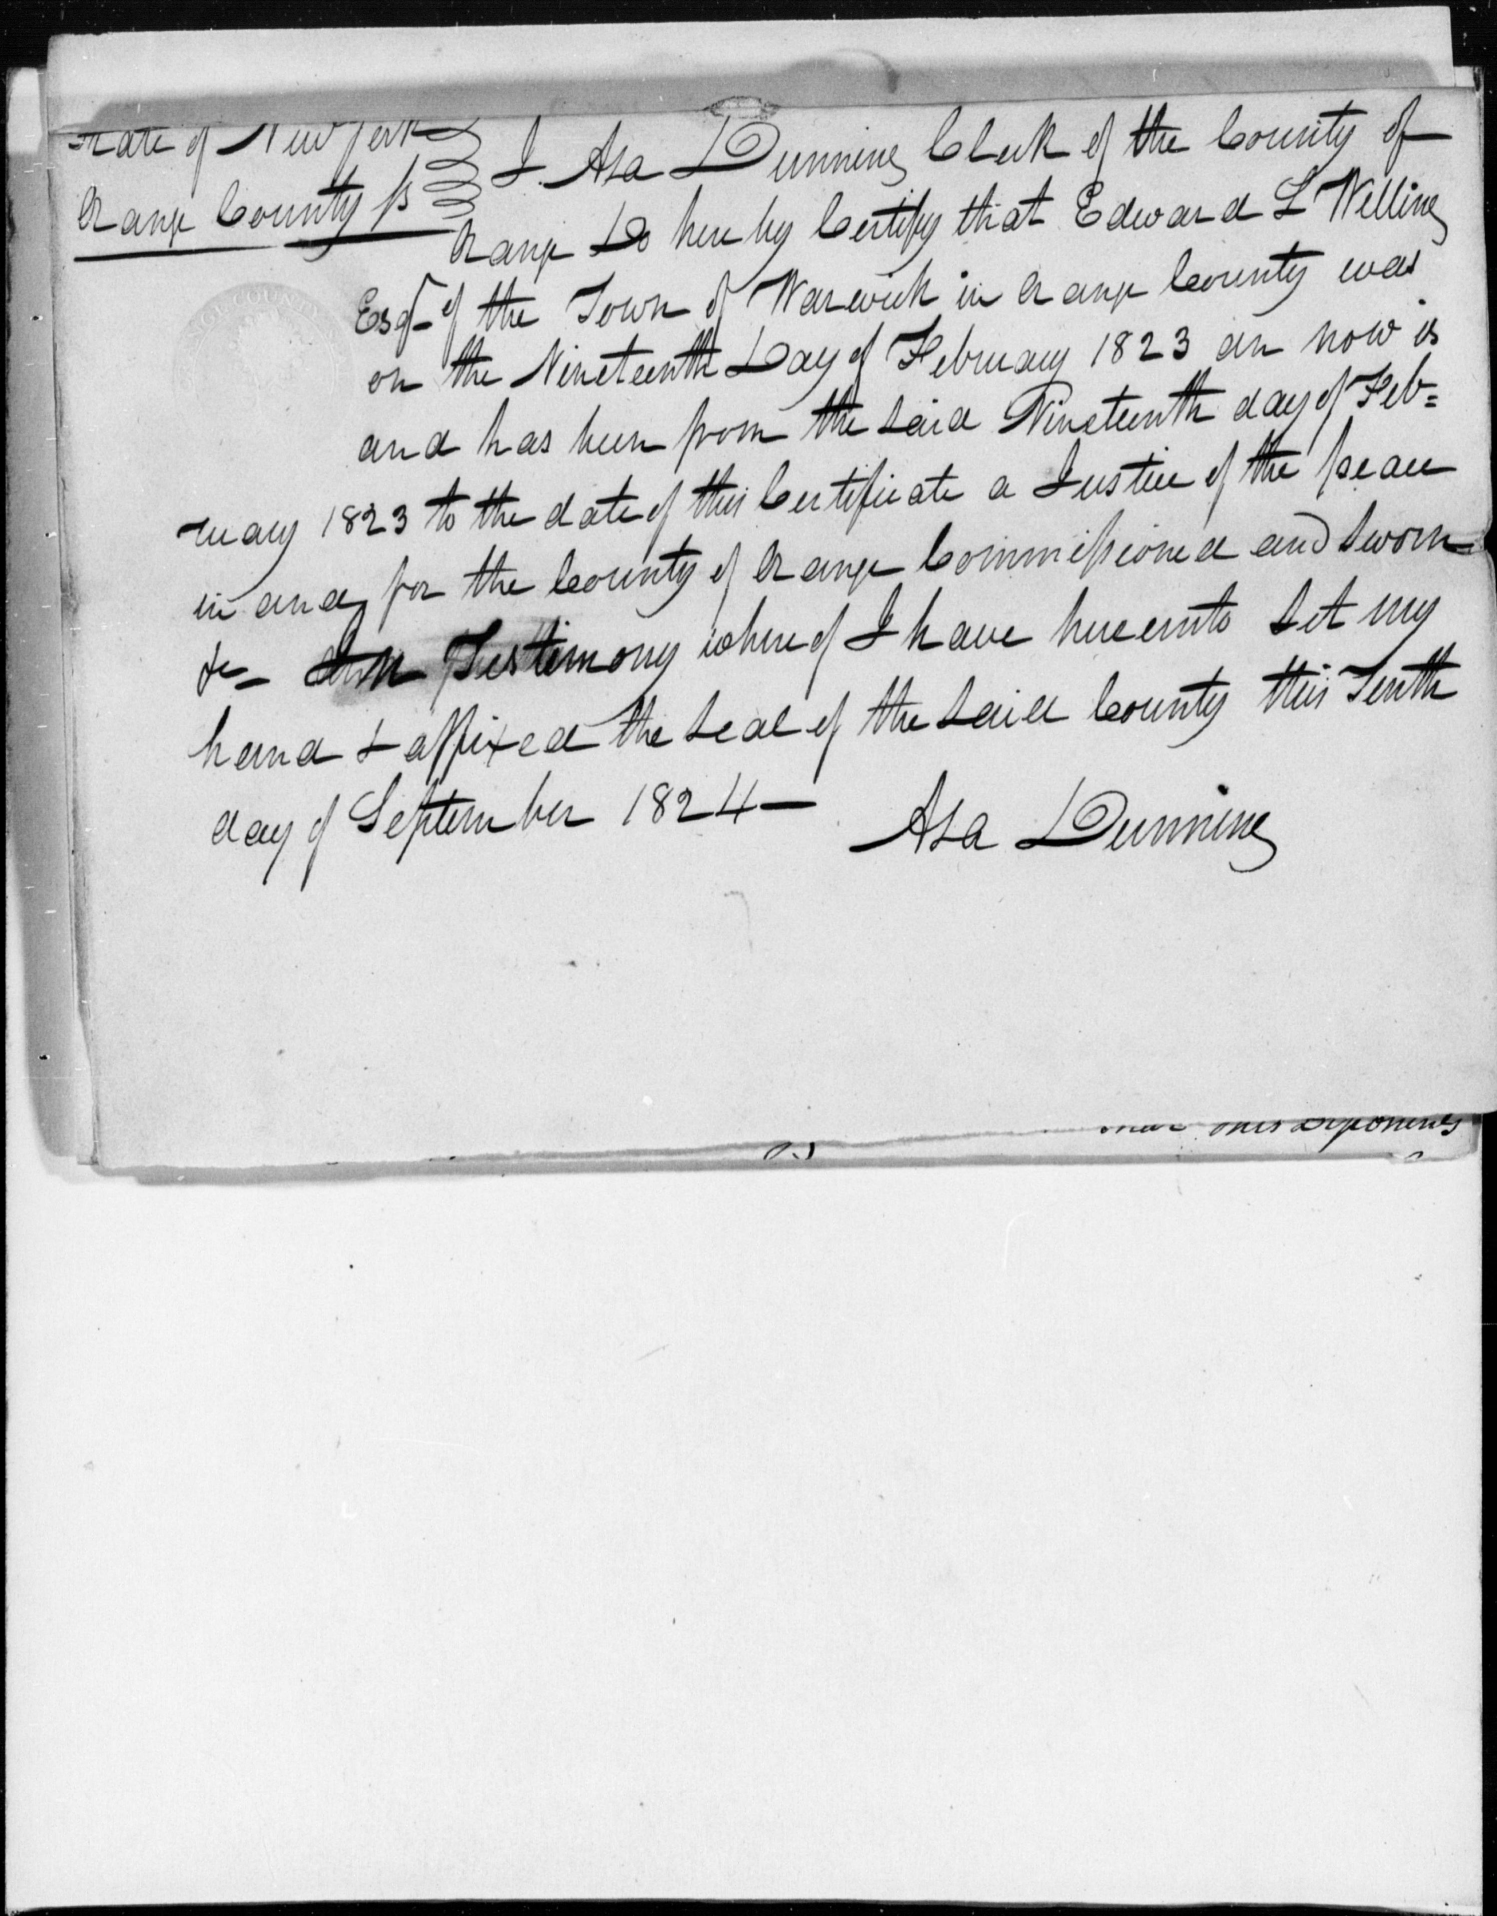State of New York
Orange County 
I Asa Dunning Clerk of the County of Orange do hereby certify that Edward L Welling Esq. of the Town of Warwick in Orange County was on the Nineteenth day of Feb 1823 and now is and has been from the said nineteenth day of February 1823 to the date of this certificate a Justice of the Peace in every for the County of Orange Commissioned and sworn in testimony whereof I have hereunto set my hand & affixed the seal of the said county this tenth day of September 1824
Asa Dunning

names: Asa Dunning, Asa Dunning, Edward L Welling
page: 6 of 13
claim: survivor's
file: S. 28,212, Mathew Adams, New York